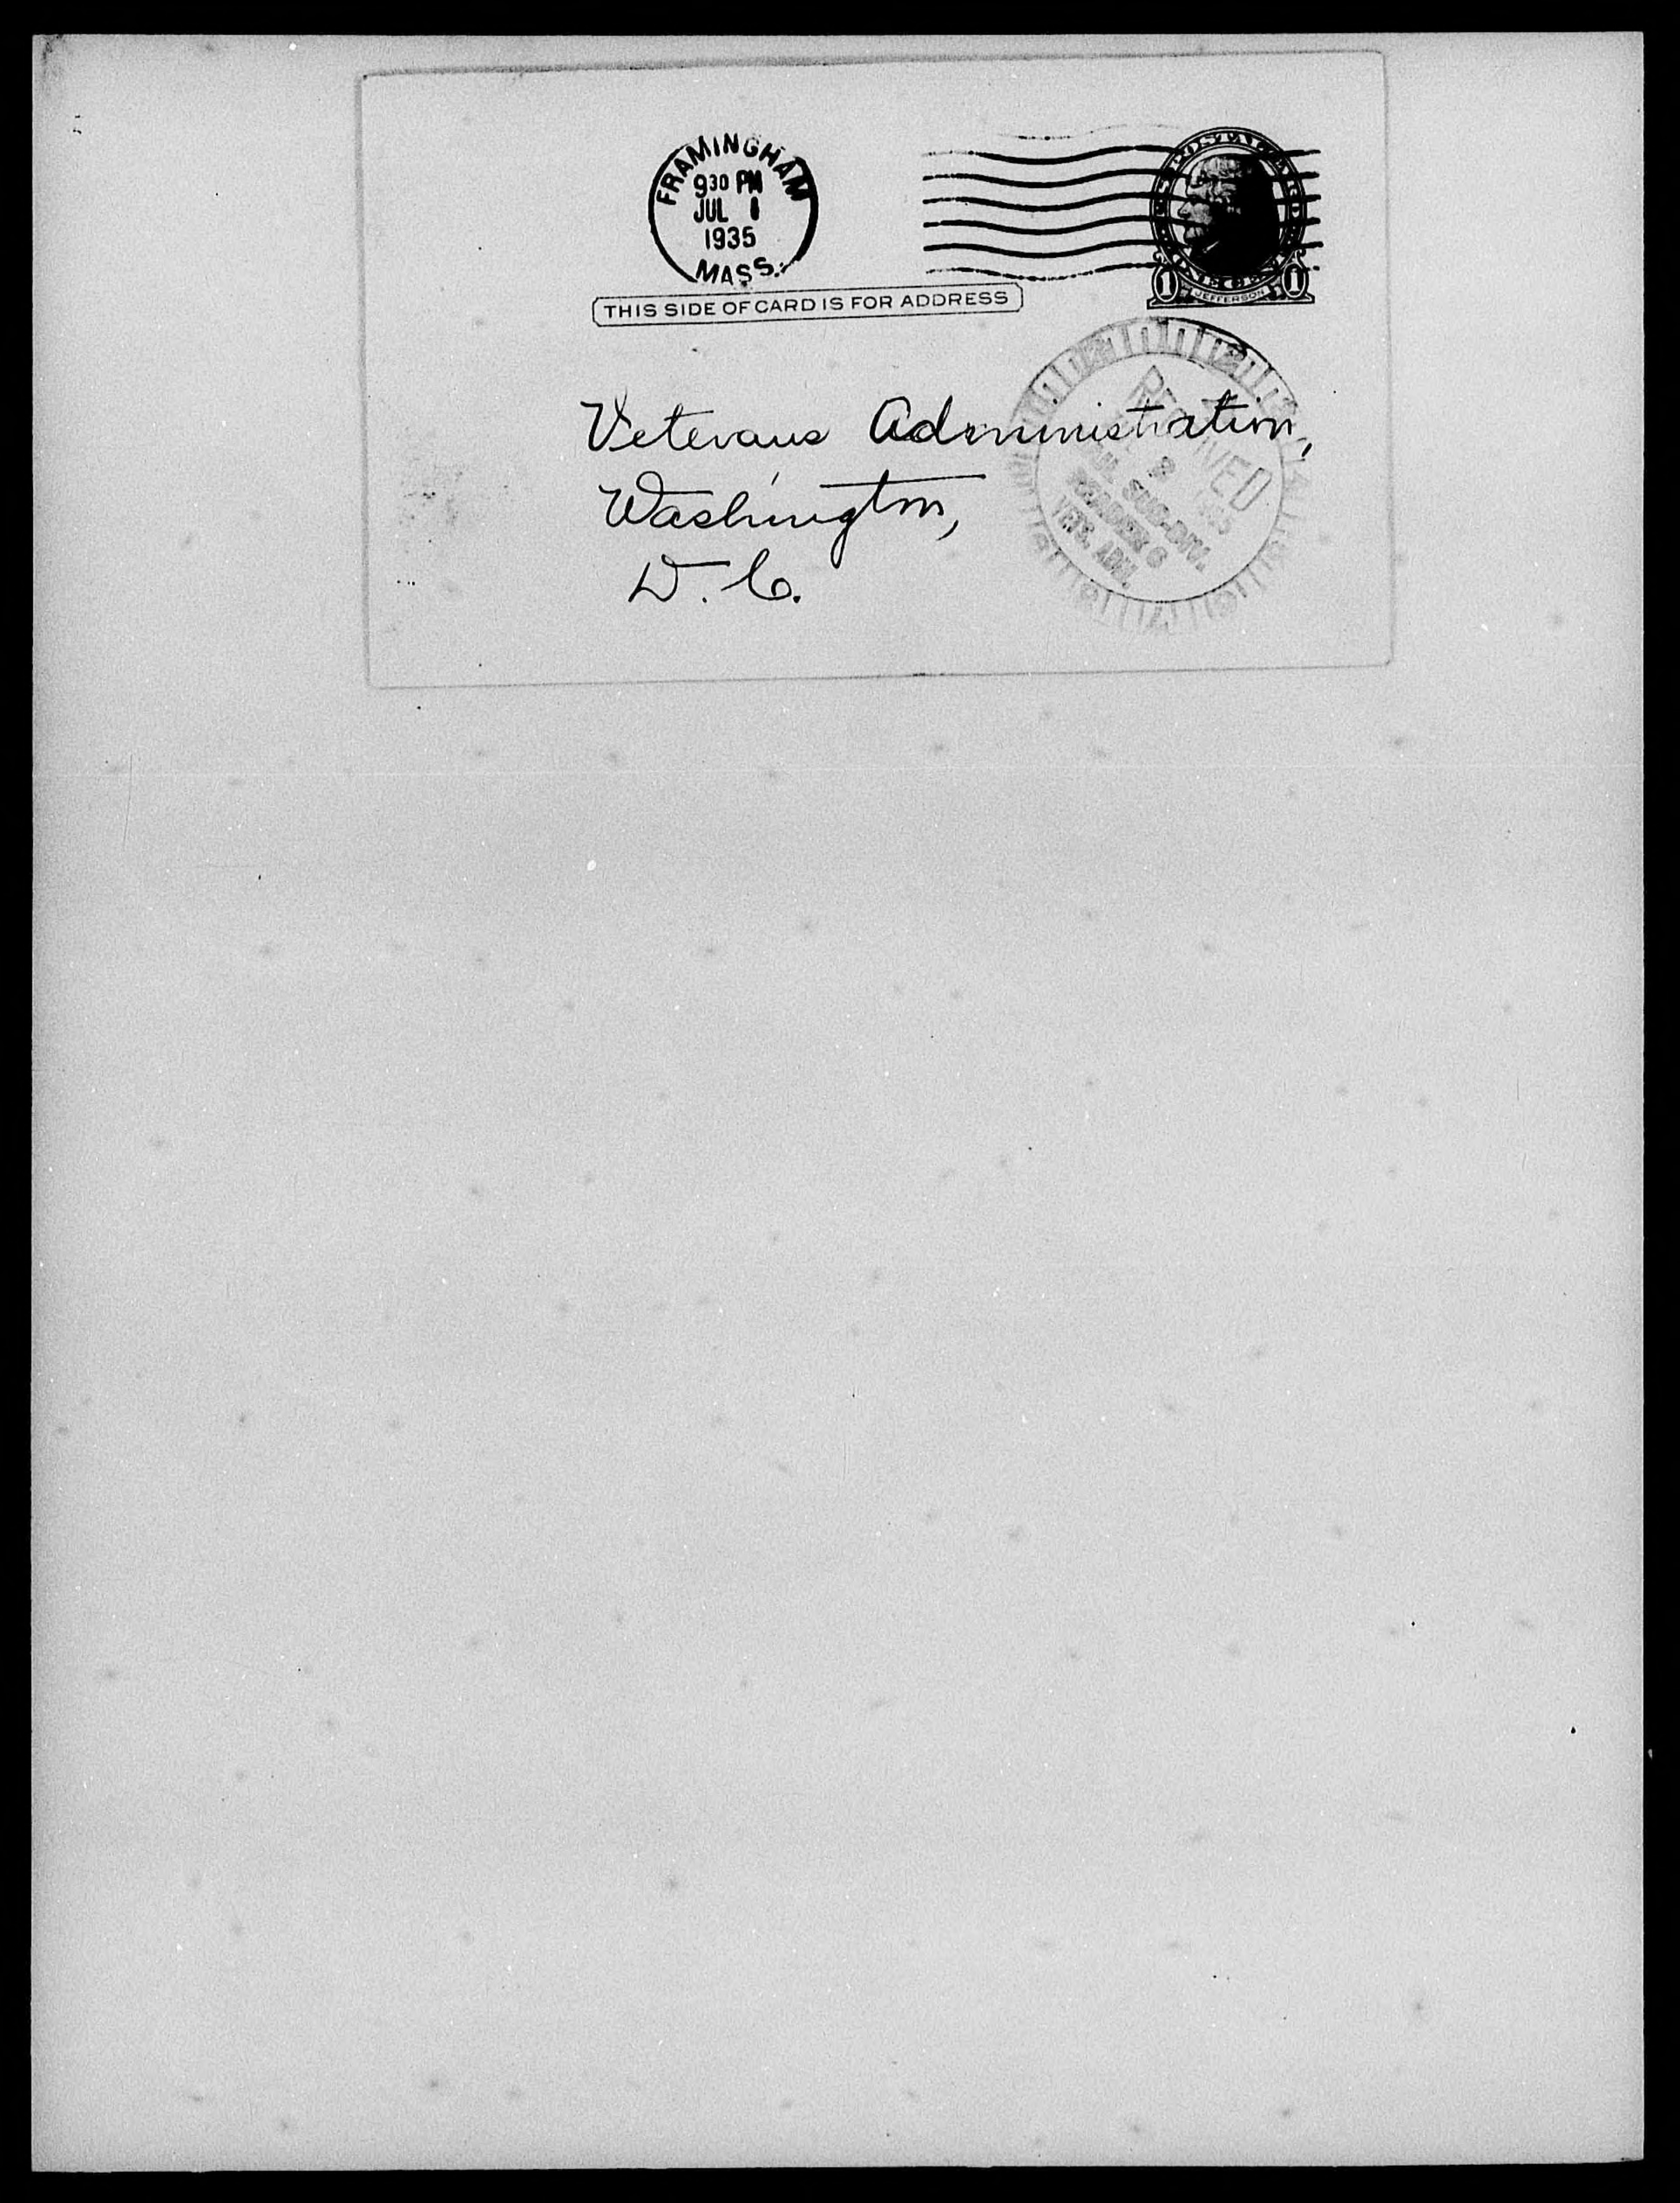[stamp]
FRAMINGHAM
930 PM
JUL 1
1935
MASS.

[postcard cancelled postage in upper right corner as follows]
US POSTAL CARD
ONE CENT
1  JEFFERSON  1

THIS SIDE OF CARD IS FOR ADDRESS [circle printed around this wording]

Veterans Administration
Washington,
D.C.

[stamp]
RECEIVED
JUL 3 1935
MAIL SUB-DIV.
READER 6
VETS. ADM.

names: [BLANK]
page: 24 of 38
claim: survivor's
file: S. 43181, for Ezekiel Stone, New Hampshire